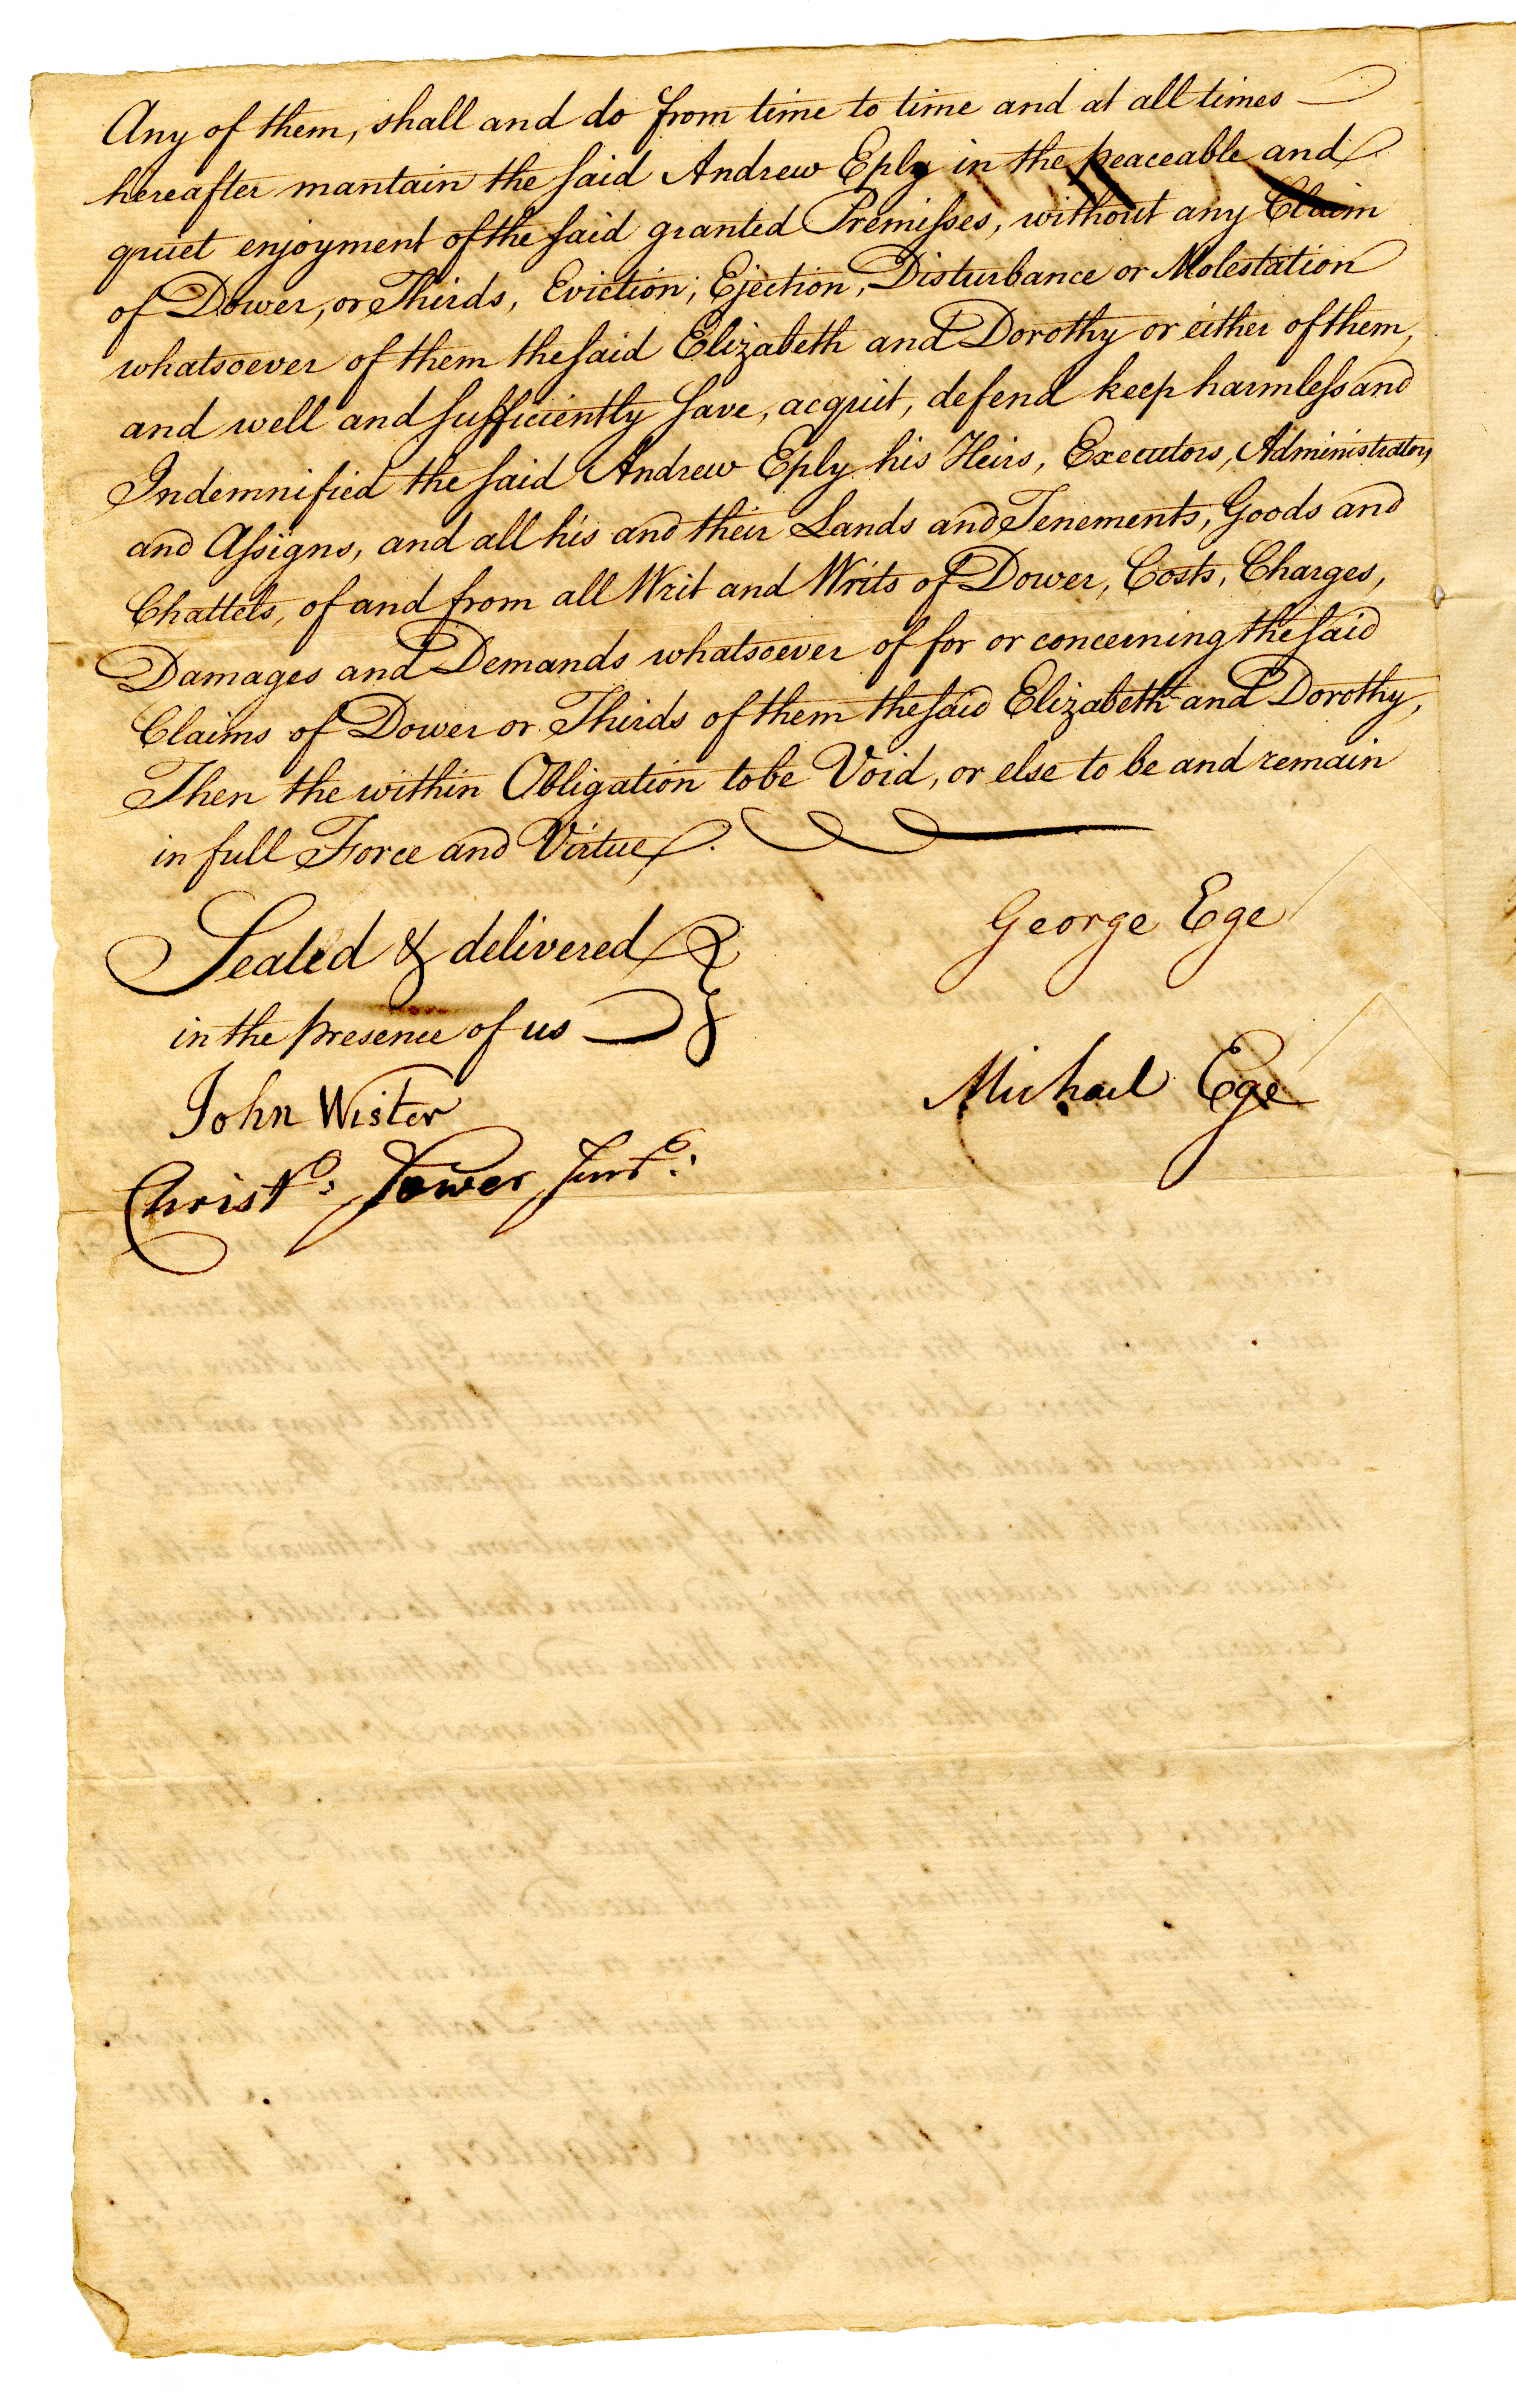Any of them, shall and do from time to time and at all times
hereafter maintain the said Andrew Eply in the peaceable and
quiet enjoyment of the said granted Premisses, without any Claim
of Dower, or Thirds, Eviction, Ejection, Disturbance or Molestation
whatsoever of them the said Elizabeth and Dorothy or either of them
and well and sufficiently save, acquit, defend keep harmless and
Indemnified the said Andrew Eply his Heirs, Executors, Administrators
and Assigns, and all his and their Lands and Tenements, Goods and
Chattels, of and from all Writ and Writs of Dower, Costs, Charges,
Damages and Demands whatsoever of for or concerning the said
Claims of Dower or Thirds of them the said Elizabeth and Dorothy,
Then the within Obligation to be Void, or else to be and remain
in full Force and Virtue.
George Ege
Sealed & delivered
In the presence of us
John Wister
Michael Ege
Christ^r. Sower Jun^r.